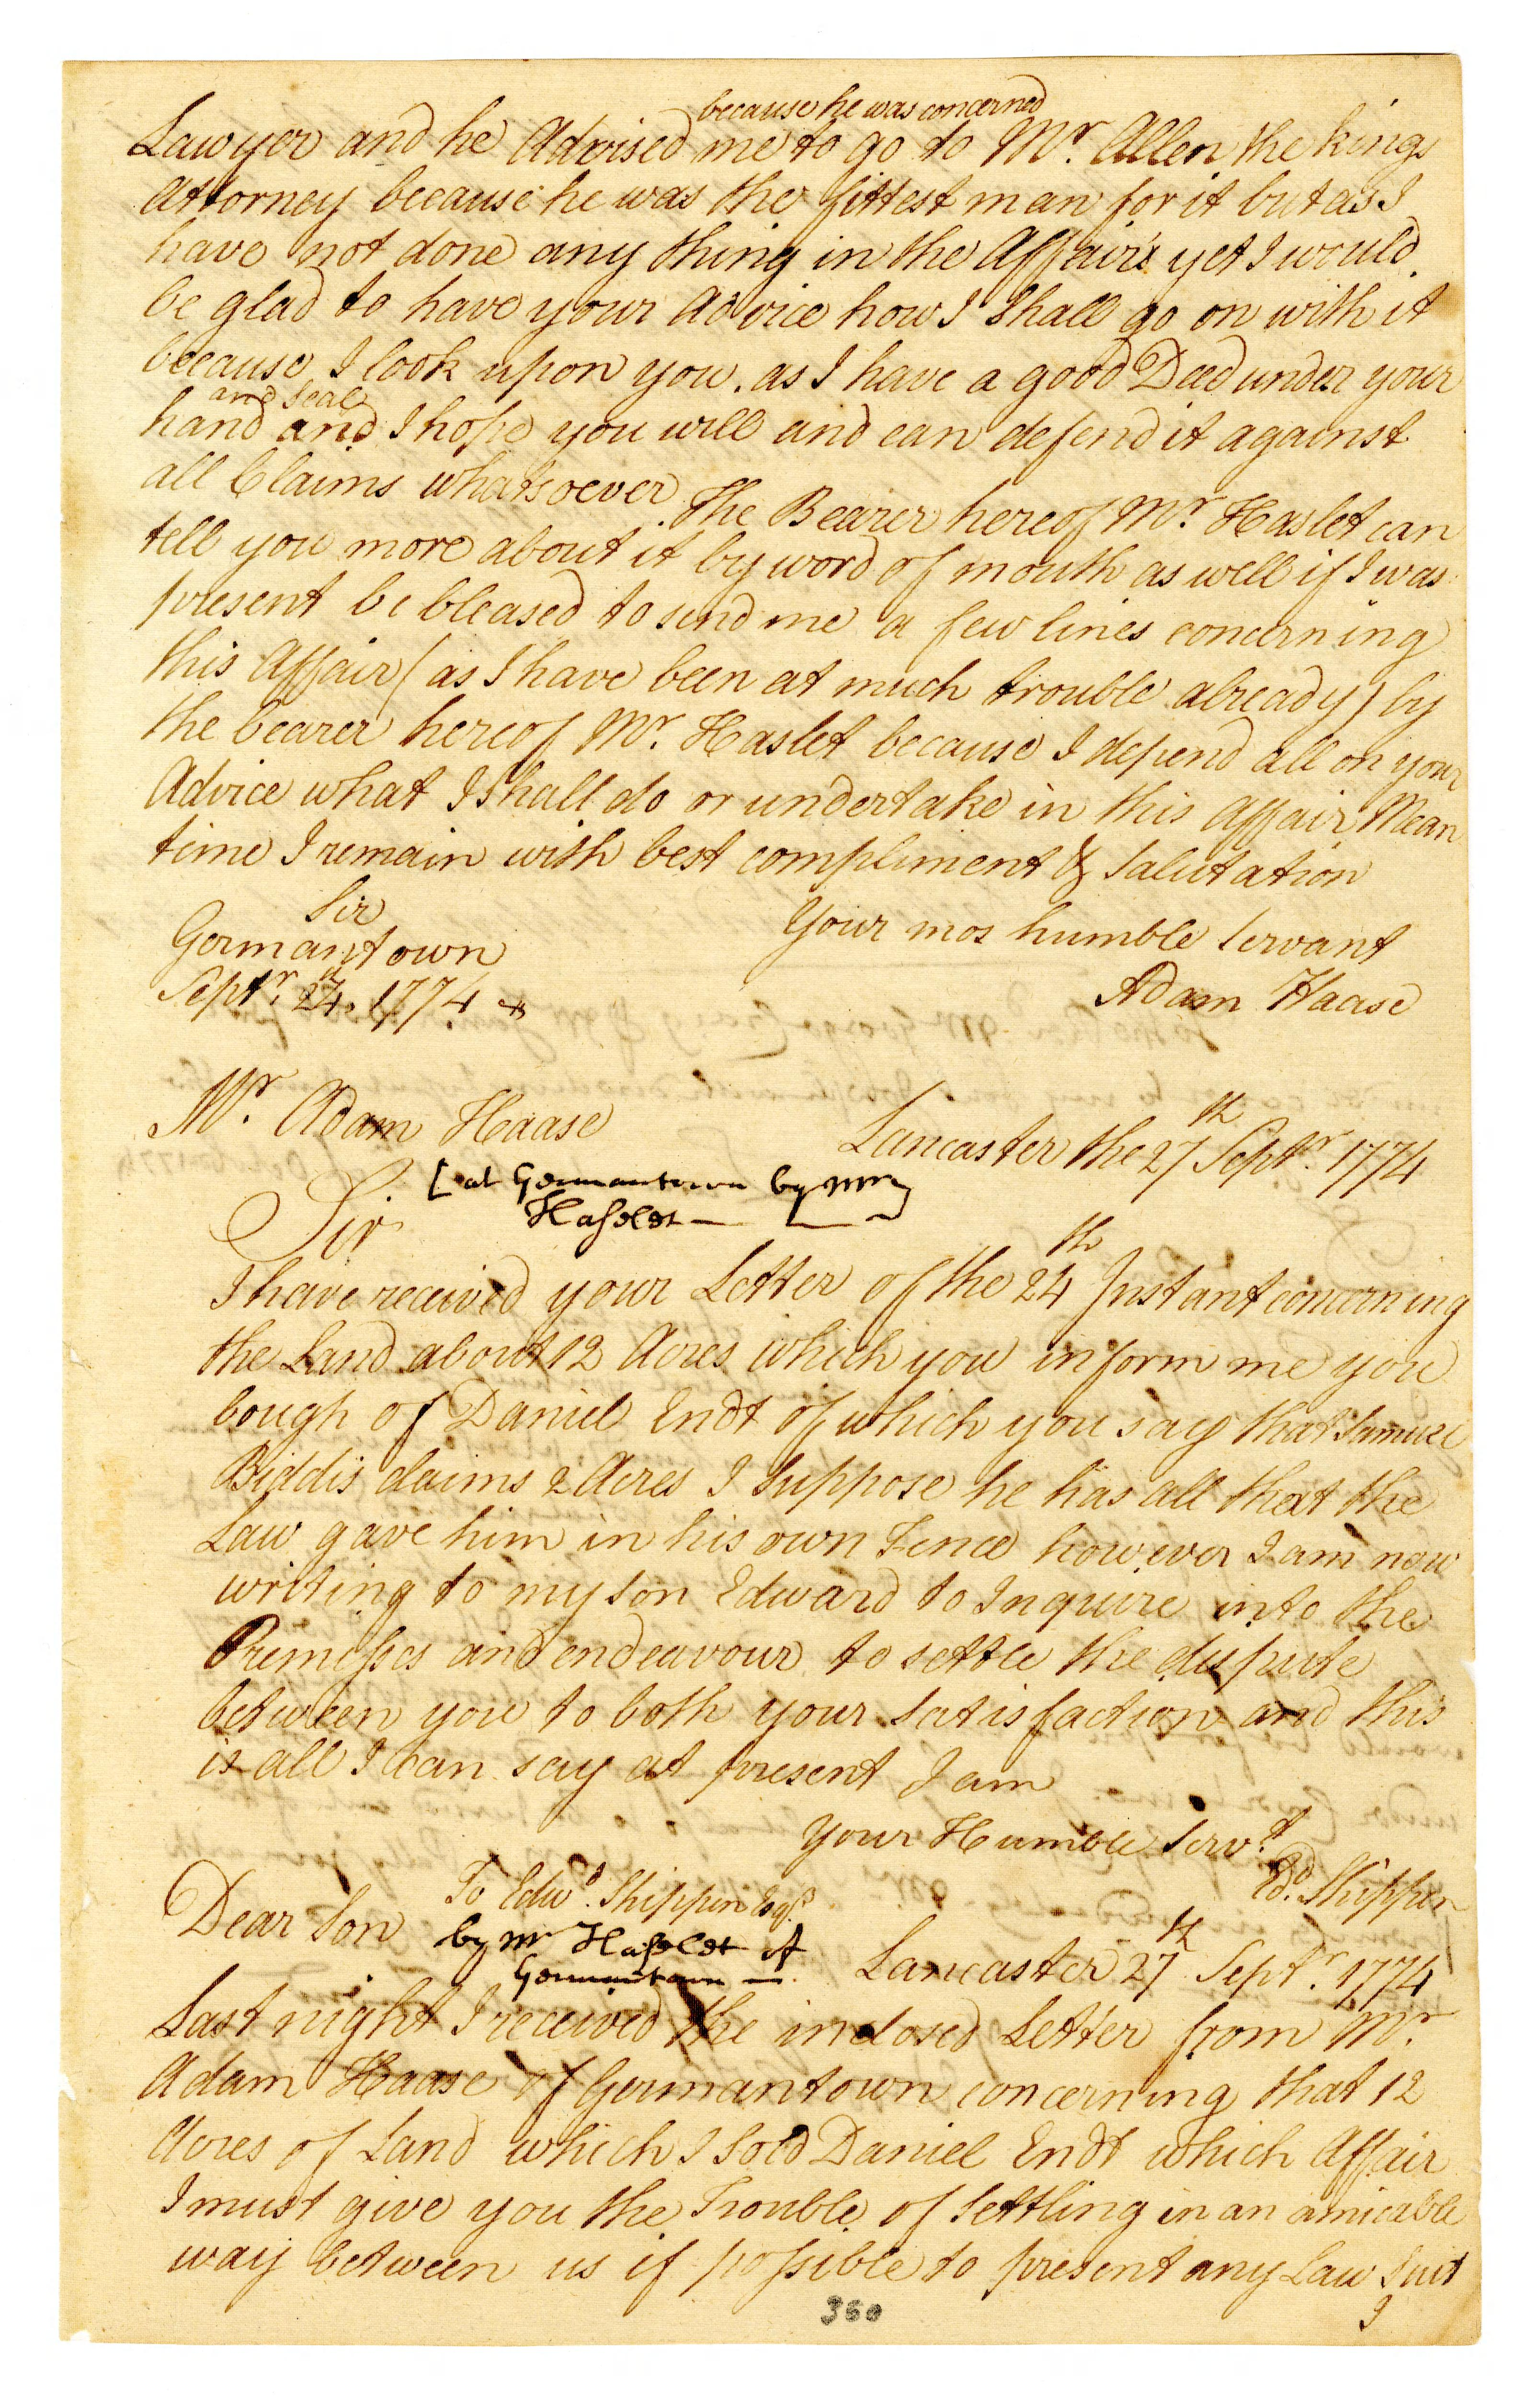because he was concerned
Lawyer and he Advised me to go to M^r. Allen the kings
Attorney because he was the fittest man for it but as I
have not done any thing in the Affair's yet I would
be glad to have your advice how I shall go on with it
because I look upon you, as I have a good Deed under your
and Seal
hand and I hope you will and can defend it against
All Claims whatsoever
The Bearer here of M^r. Haslet can
tell you more about it by word of mouth as well if I was
present be bleased to send me a few lines concerning
this Affair (as I have been at much trouble already) by
the bearer hereof M^r. Haslet because I depend all on you
Advice what I shall do or undertake in this Affair Mean
time I remain with best compliment & Salutation
Sir
Your most humble servant
Adam Haase
Germantown
Sept^r. 24^th, 1774
M^r. Adam Haase
Lancaster the 27^th Sept^r. 1774
(at Germantown by M^r)
Hasselet--
Sir
I have received your Letter of the 24^th Instant concerning
the Land about 12 Acres which you inform me you
bough of Daniel Endt of which you say that Samuel
Biddis claims 2 Acres I Suppose he has all that the
Law gave him in his own fence however I am now
writing to my Son Edward to Inquire into the
Premisses and endeavour to settle the dispute
between you to both your Satisfaction and this
is all I can say at present
I am
Your Humble Serv^t.
Ed^d. Shippen
To Edw^d. Shippen Esq^r.
by M^r Hasslet of
Germantown-
Dear Son by Mr Hasslet
Lancaster 27^th Sept^r. 1774
Last night I received he inclosed Letter from M^r.
Adam Haase of Germantown concerning that 12
Acres of Land which I Sold Daniel Endt which Affair
I must give you the Trouble of Settling in an amicable
way between us if possible to present ay Law Init
I